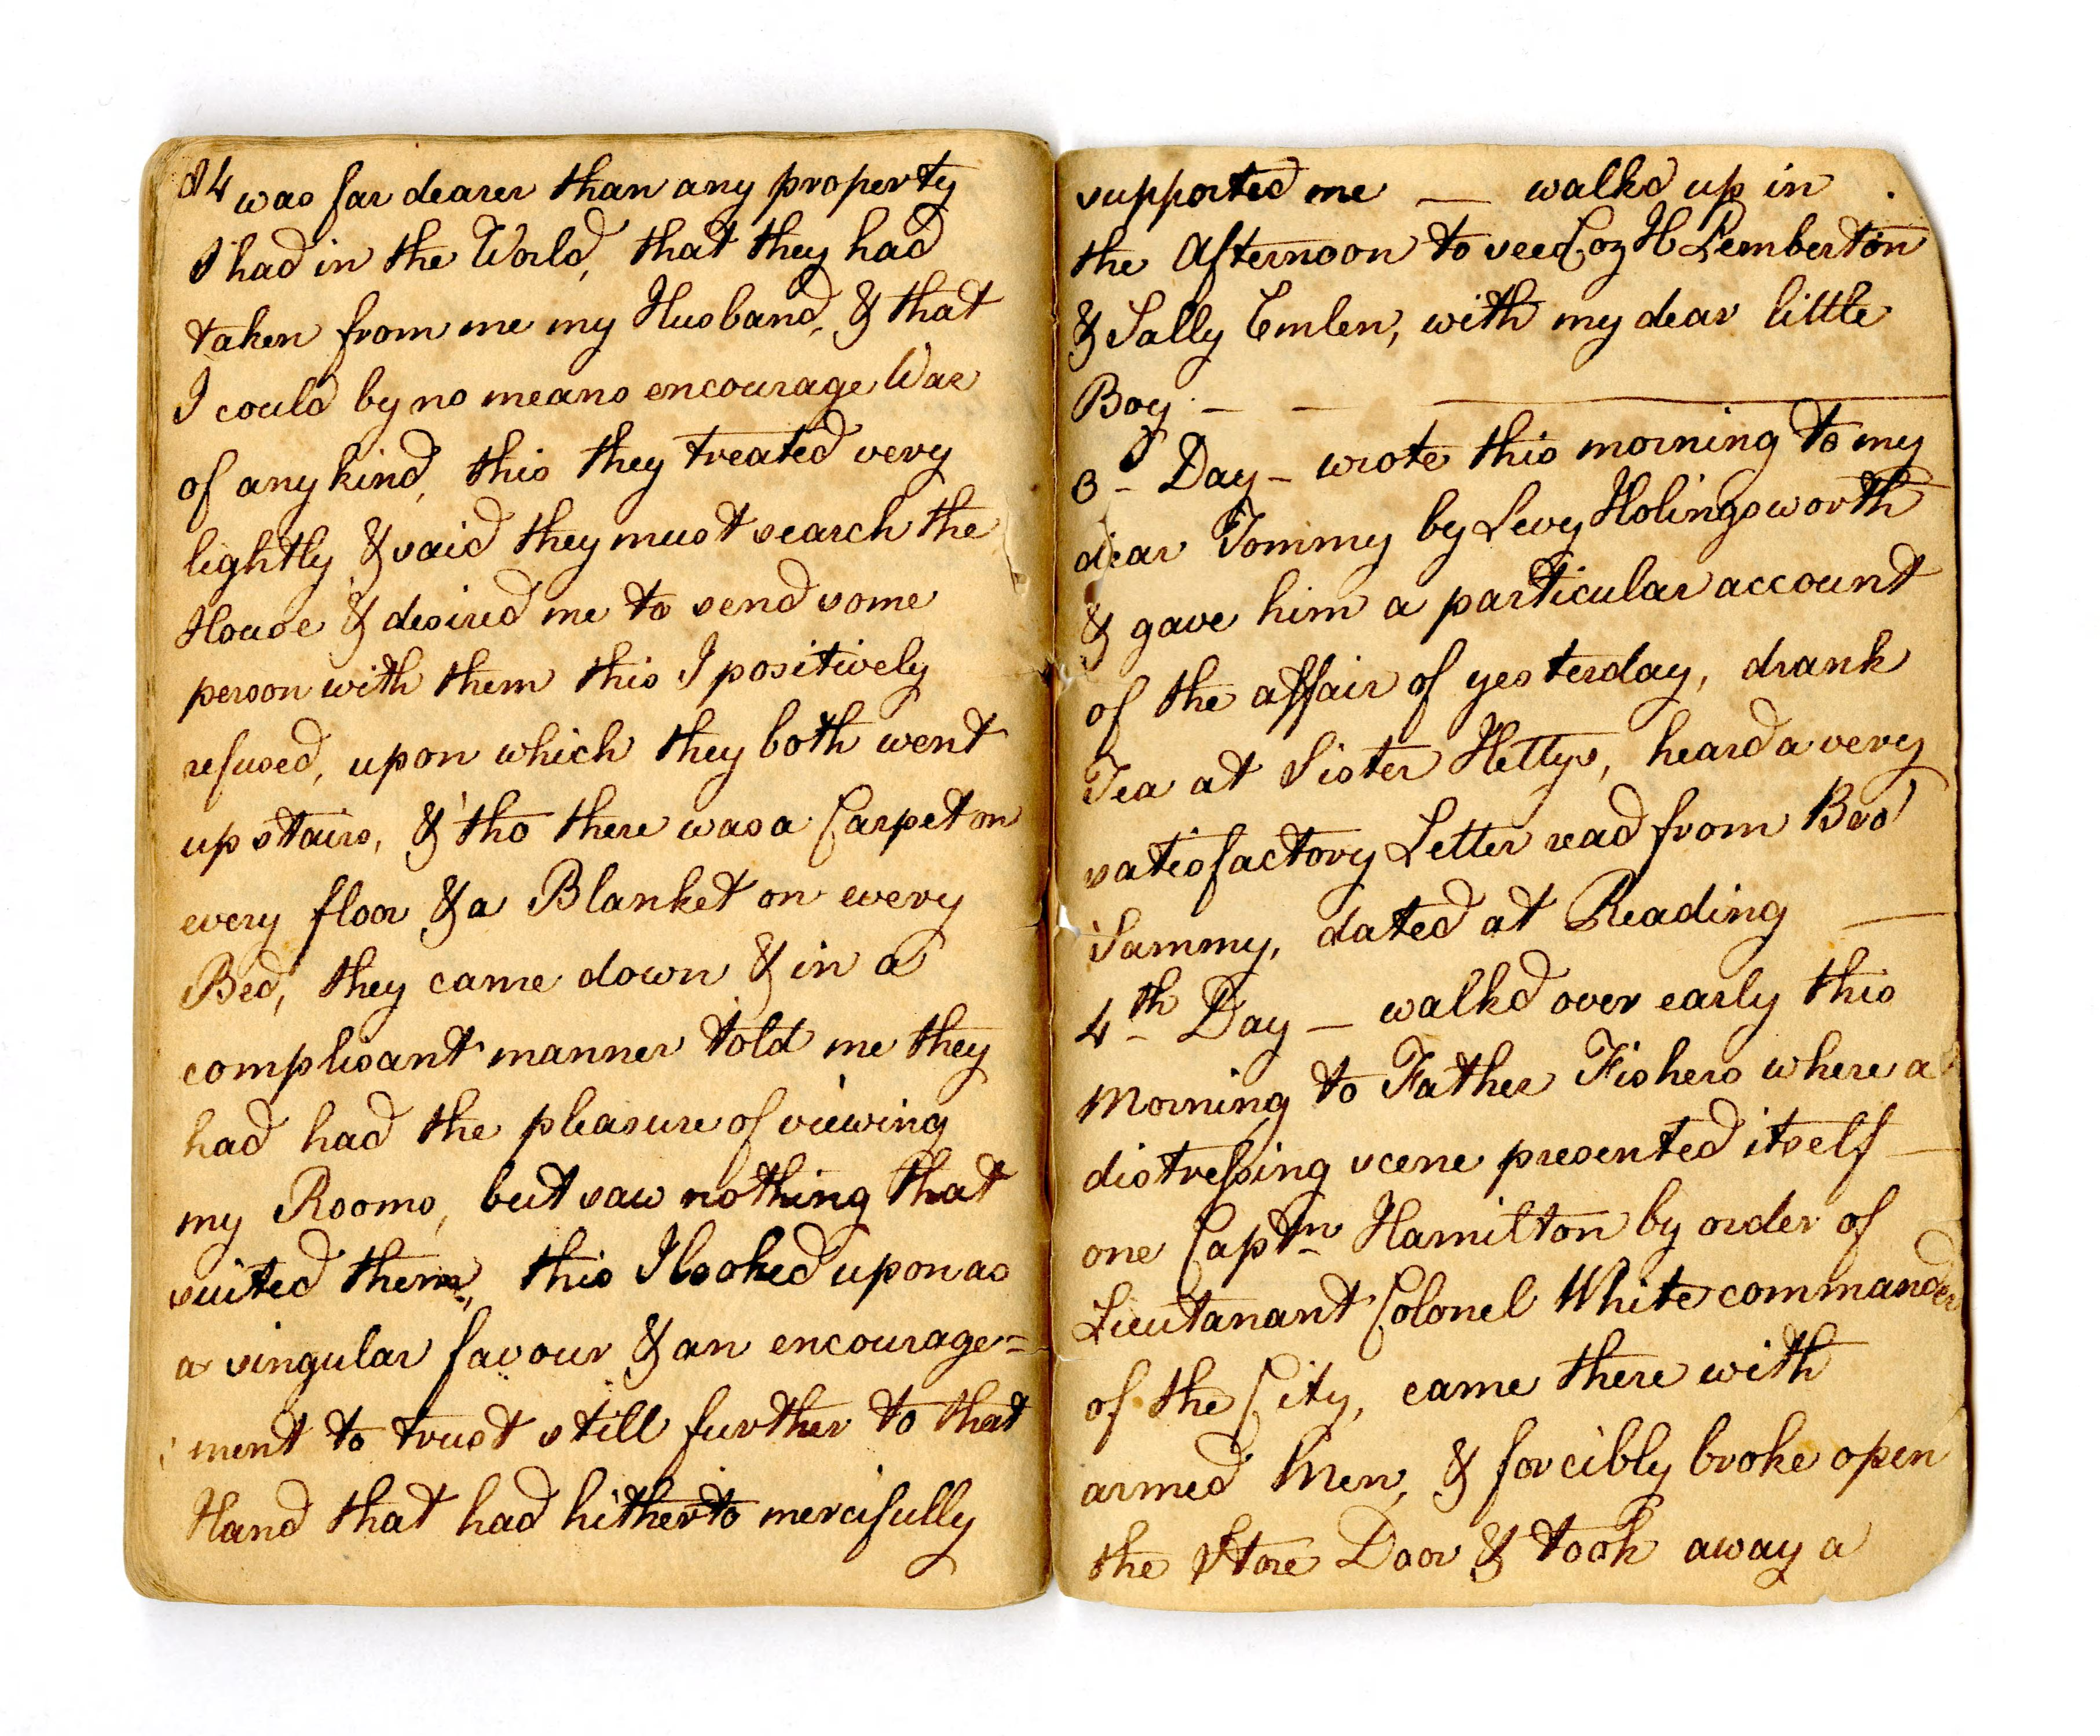was far dearer than any property
I had in the World, that they had
taken from me my Husband, & that
I could by no means encourage War
of any kind, this they treated very
lightly & said they must search the
House & desired me to send some
person with them this I positively
refused, upon which they both went
up stairs, & 'tho there was a Carpet on
every floor & a Blanket on every
Bed, they came down & in a
complisant manner told me they
had had the pleasure of viewing
my Rooms, but saw nothing that
suited them, this I looked upon as
a singular favour & an encourage-
-ment to trust still further to that
Hand that had hitherto mercifully
supported me- walkd up in
the Afternoon to see Coz H Pemberton
& Sally Emlen, with my dear little
Boy-
3^d Day- wrote this morning to my
dear Tommy by Levy Holingsworth
& gave him a particular account
of the affair of yesterday, drank
Tea at Sister Hettys, heard a very
satisfactory Letter read from Bro'
Sammy, dated at Reading
4^th Day- walkd over early this
Morning to Father Fisher where a
distressing scene presented itself-
one Capt^n Hamilton by order of
Lieutanant Colonel White commander
of the City, came there with
armed Men, & forcibly broke open
the Store Door & took away a